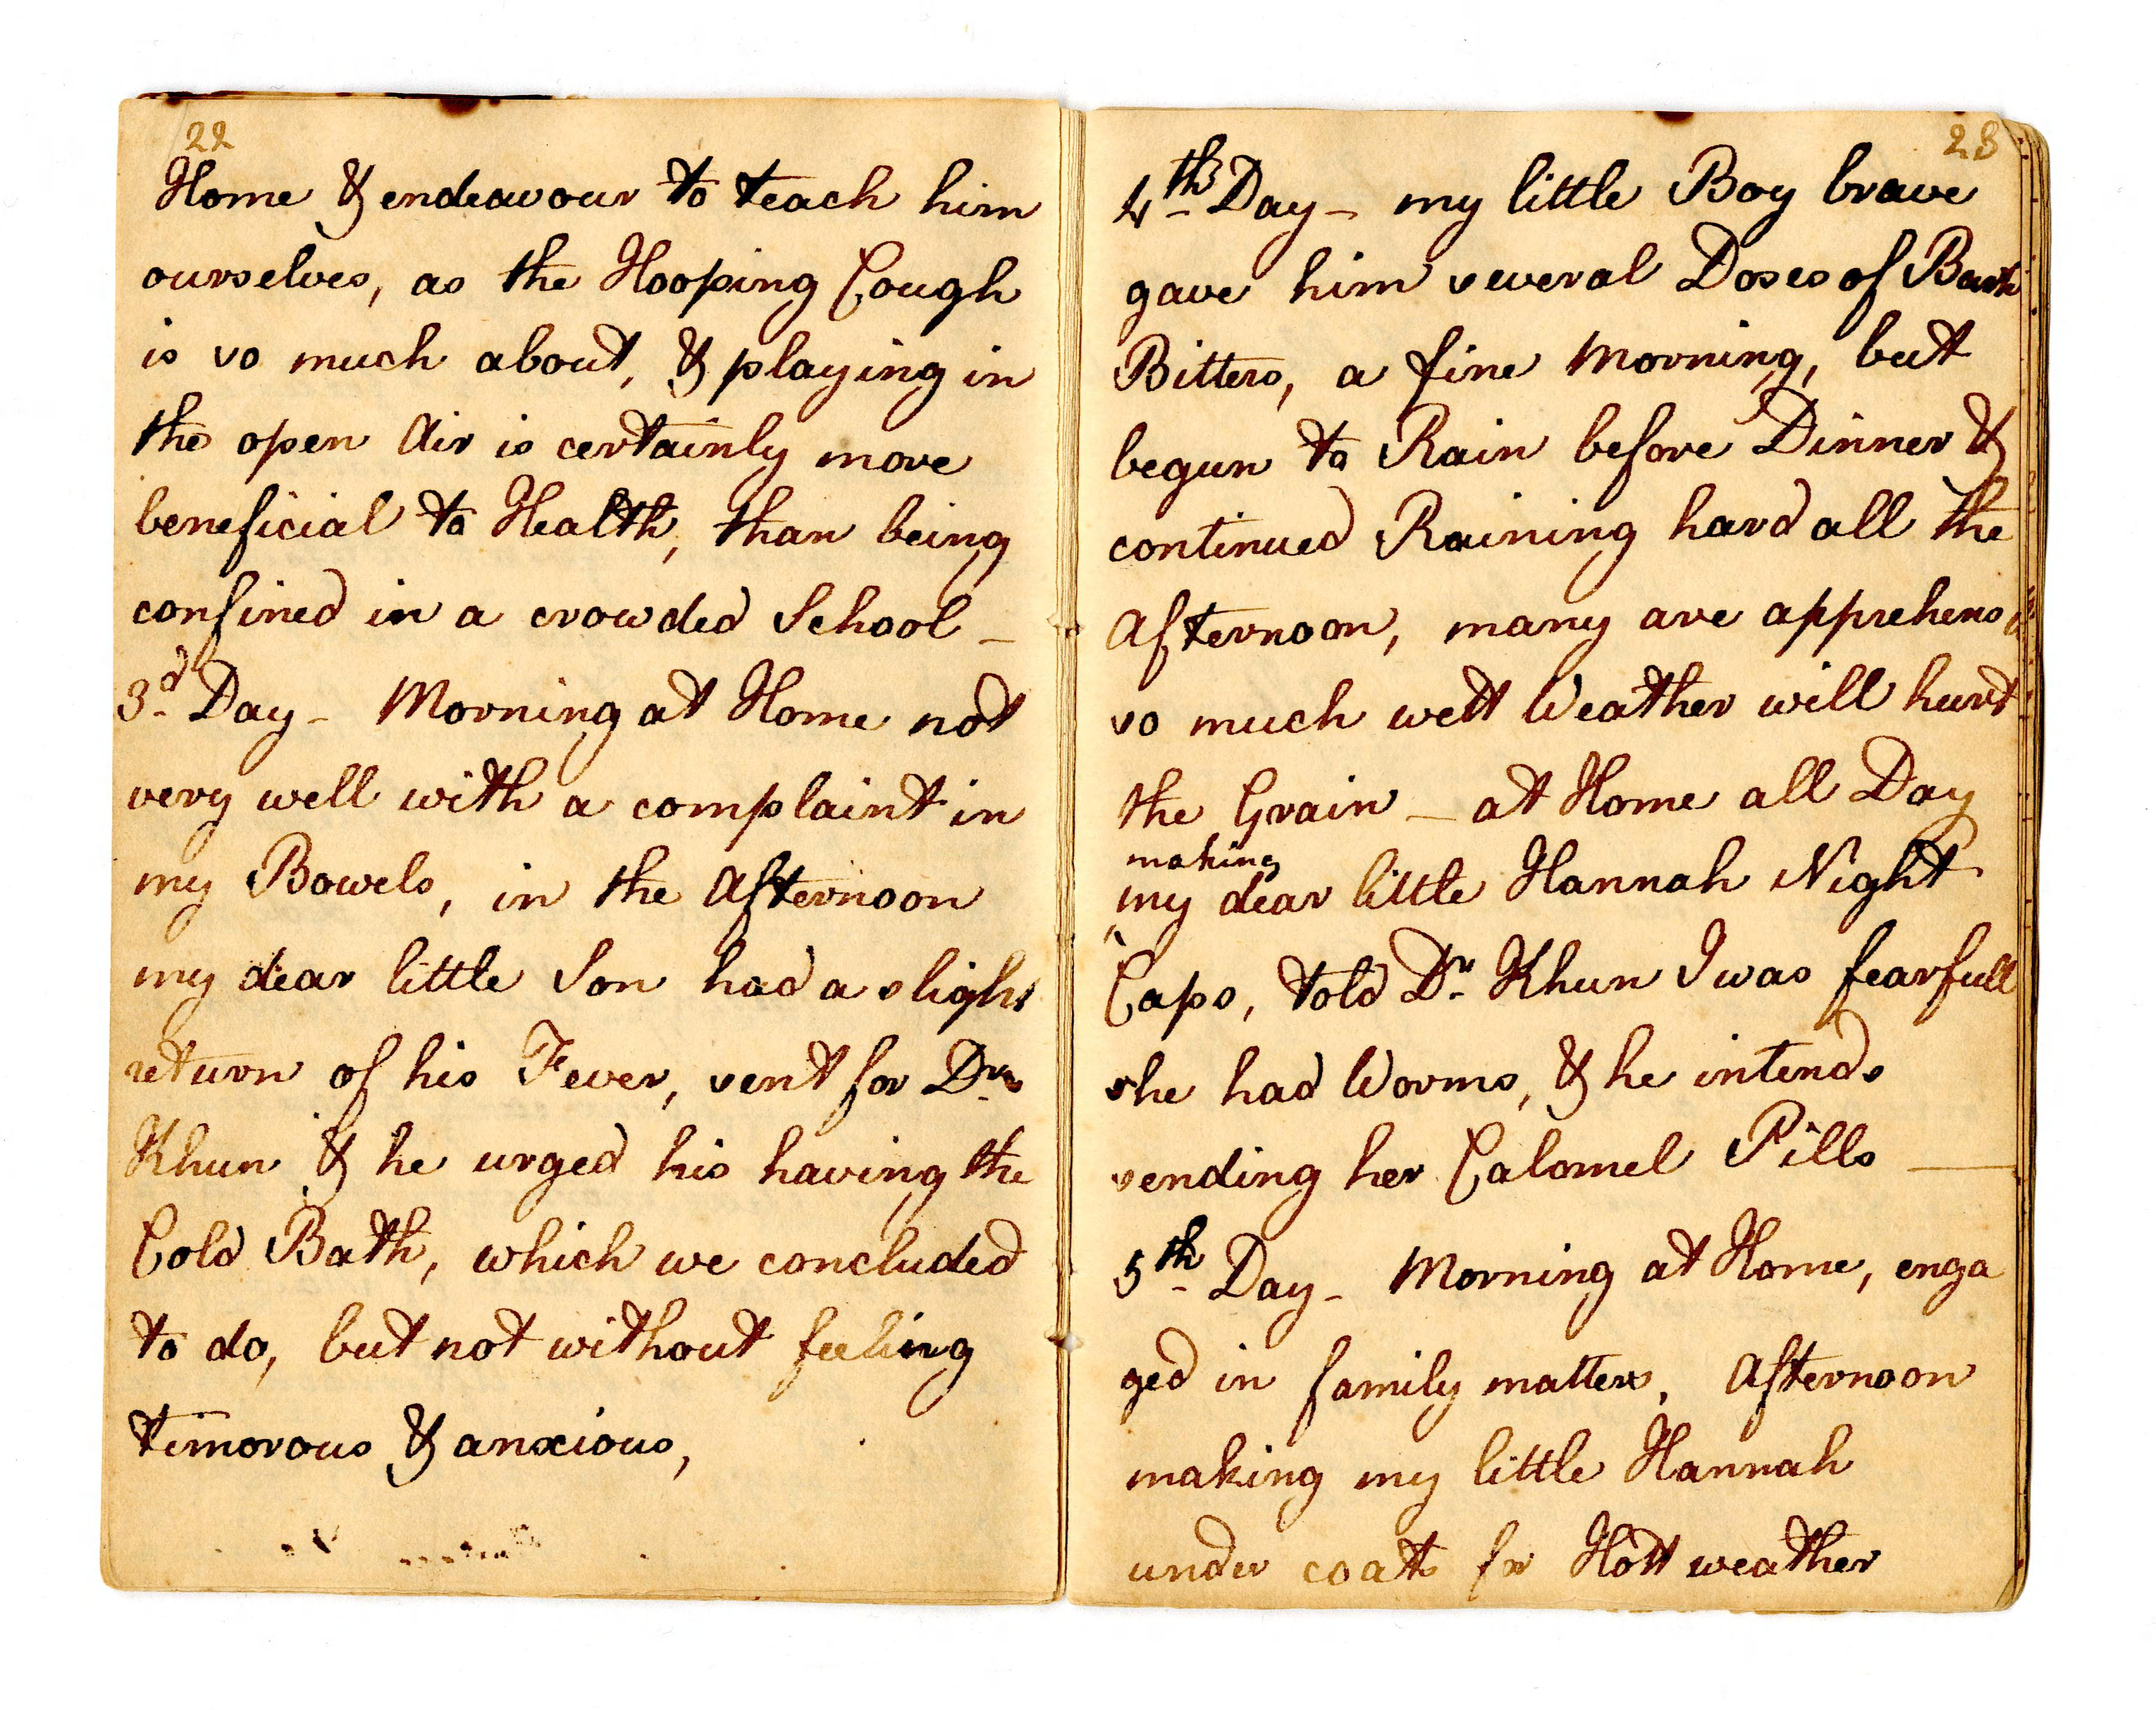22
Home & endeavour to teach him
ourselves, as the Hooping Cough
is so much about, & playing in
the open Air is certainly more
beneficial to Health, than being
confined in a crowded School-
3^d. Day- Morning at Home not
very well with a complaint in
my Bowels, in the Afternoon
my dear little Son had a slight
return of his Fever, sent for D^r.
Khun & he urged his having the
Cold Bath, which we concluded
to do, but not without feeling
timorous & anxious,
23
4^th Day- my little Boy brave
gave him several Doses of Bark
Bitters, a fine Morning, but
begun to Rain before Dinner &
continued Raining hard all the
Afternoon, many are apprehens
so much wett Weather will hurt
the Grain- at Home all Day
making
^ my dear little Hannah Night
Caps, told D^r. Khun I was fearfull
she had Worms, & he intends
sending her Calamel Pills-
5^th Day- Morning at Home, enga
ged in family matters, Afternoon
making my little Hannah
under coats for Hott weather